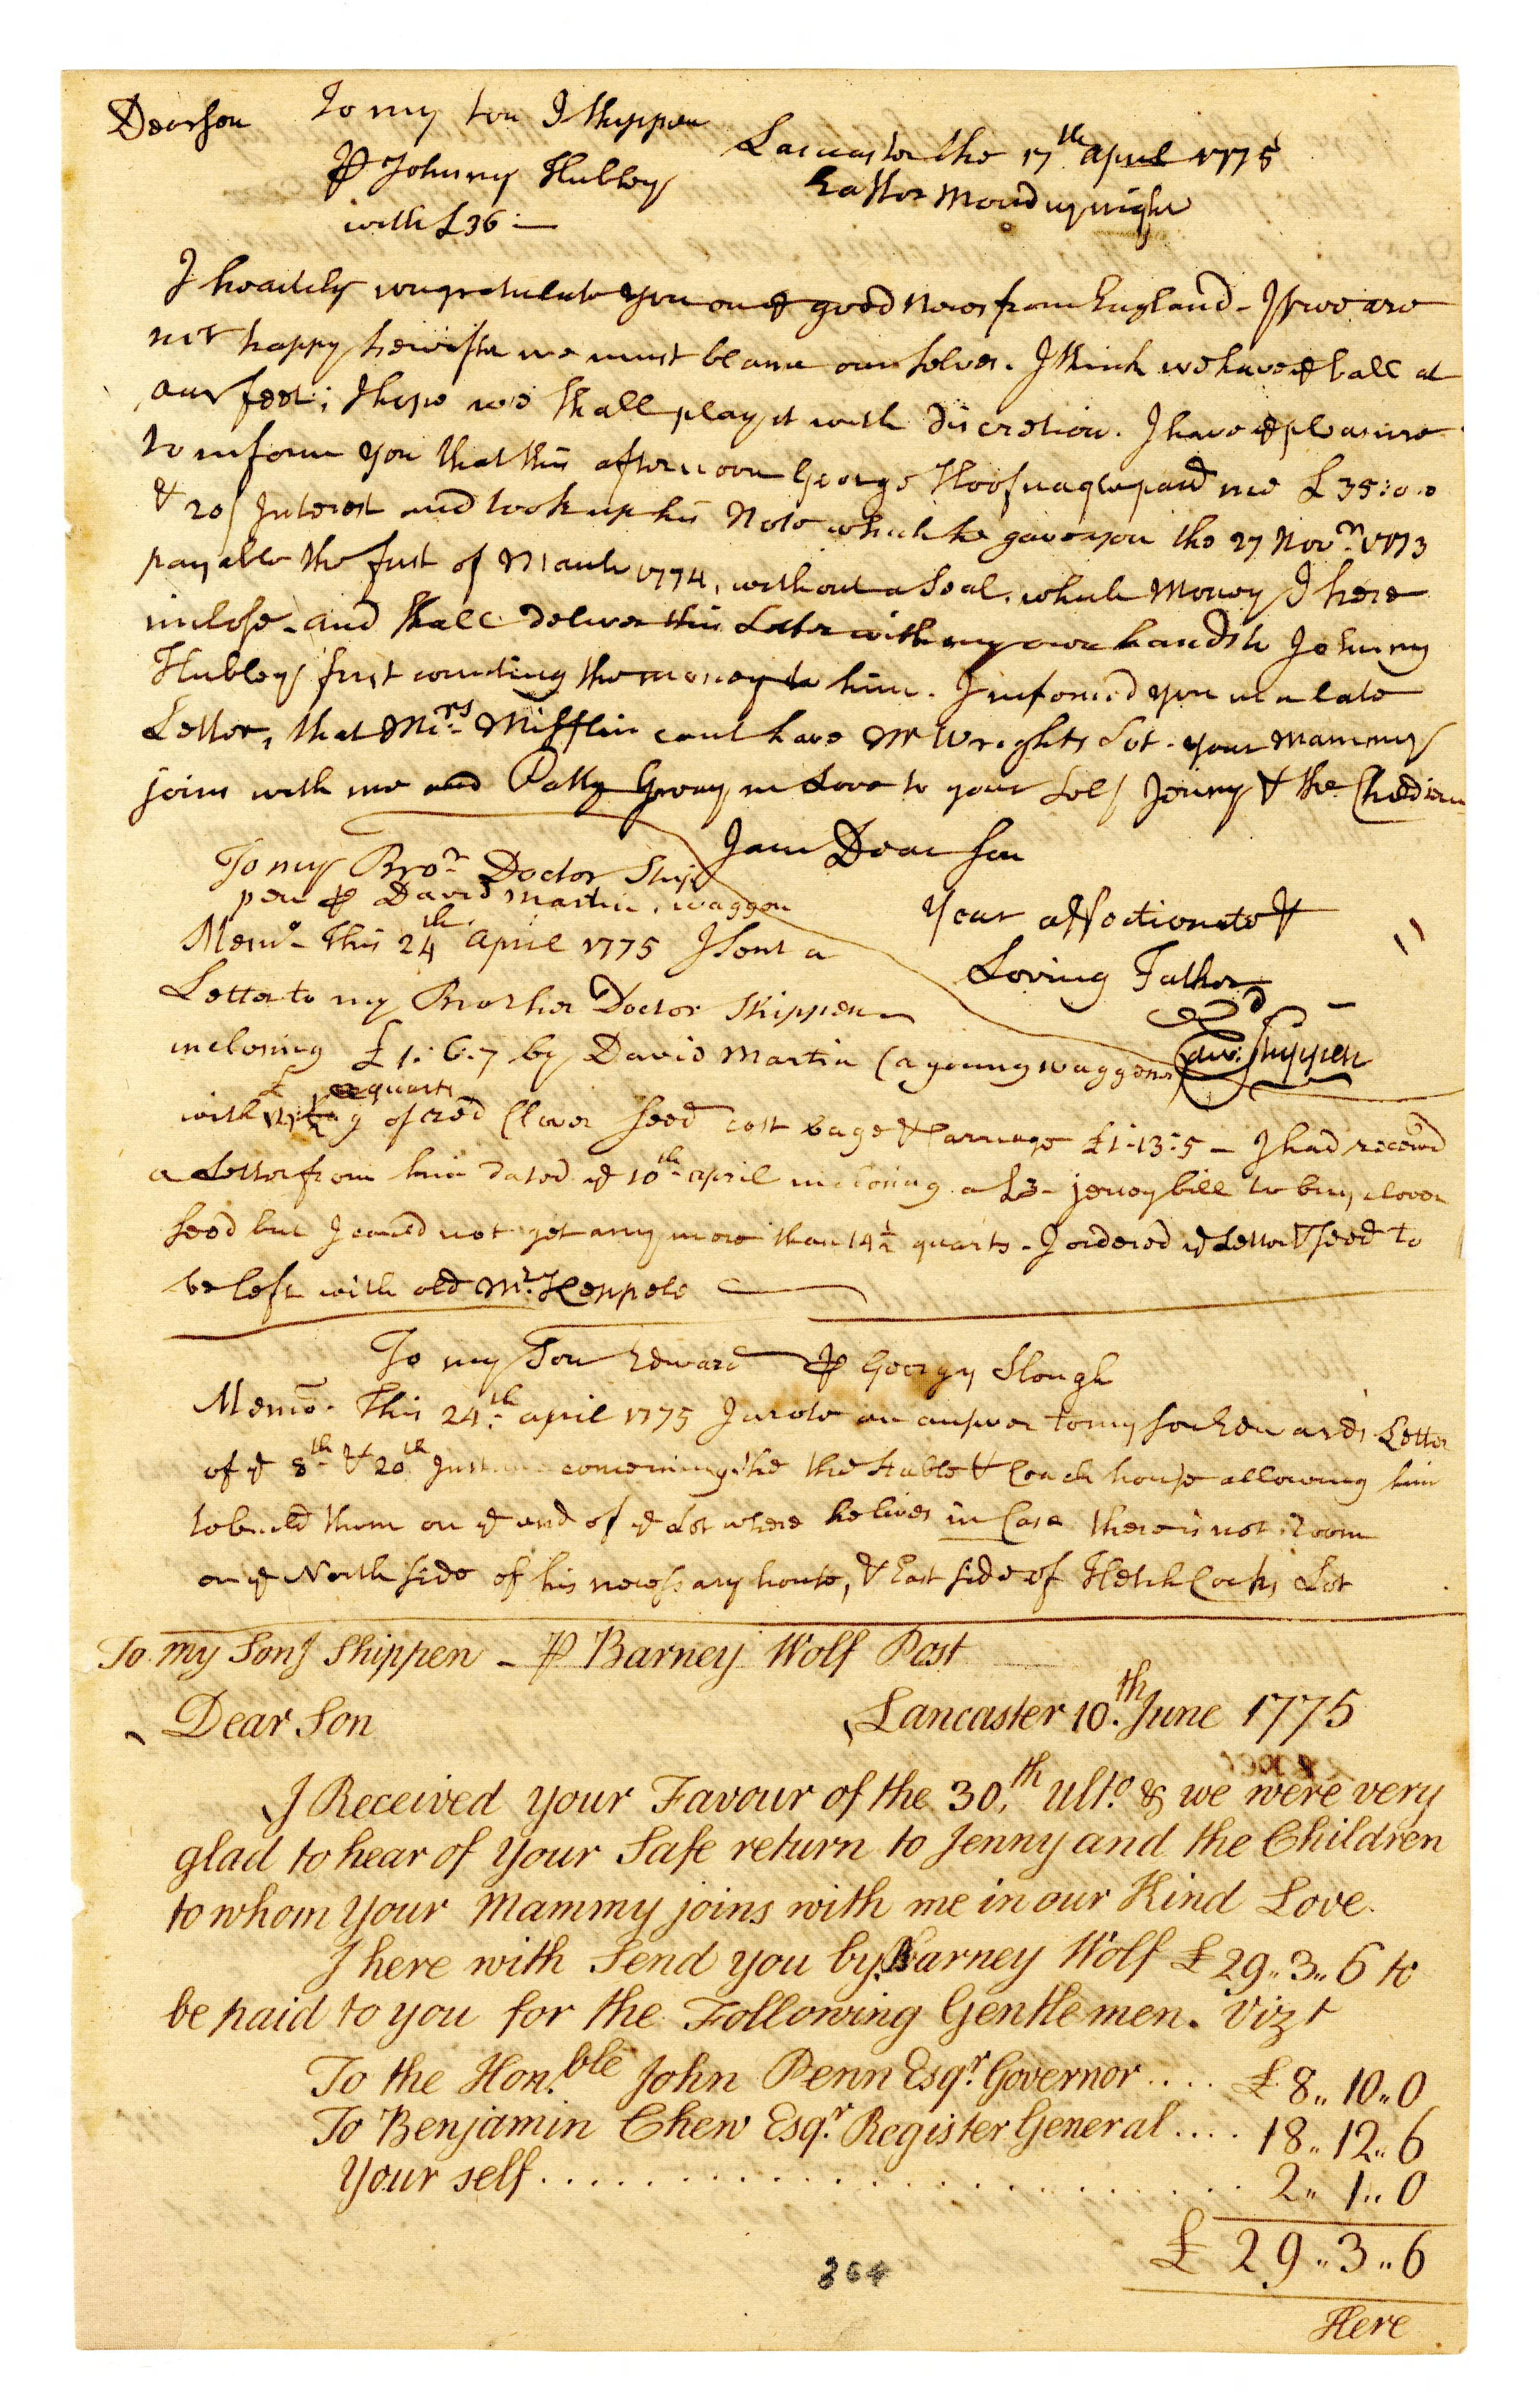Dear Son
To my son J Shippen
Lancaster the 17.^th August 1775
rather mending night
per Johnny Hubbey
with £36-
I heartily congratulate You on & good News from England- Prue are
not happy howelse we must blame our Selves. I think we have y^e ball at
our foot; I hope we shall play it will discretion. I have y^e pleasure
to inform You that this afternoon George Hoofnagle paid me L35:0.0
& 20/ Interest and look up his Note which he gave you the 7 Nov^r. 1773
payable the first of March 1774, without a Seal, which Money I have
in loss. and shall deliver this Letter with my own hands to Johnny
Hubley first counting the money to him. I informed you in a late
Letter, that M^rs: Mifflin cant have M^r Wrights Lot. Your Mammy
joins with me and Patty Gray in Love to your Self Jenny & the Children
I am Dear Son
Your affectionate &
Loving Father
Edw:^d Shippen
To my Bro^r Doctor Ship
per per David Martin waggon
Morn^g- This 24^th. April 1775
I Sent a
Letter to my Brother Doctor Shippen-
inclosing £1..6.7 by David Martin (a young waggons)
quarts
with [____] of red Clover feed cost bags & Carriage £1.13..5- I had received
a Letter from him dated y^e 10^th. april inclosing a £3 jersey bill to buy clover
food but I could not get any more than 14 1/2 quarts - I ordered y^e Letter & food to
be left with old M^r. Keppele
To my Son Edward per Georgy Slough
Morn^g. This 24^th. april 1775 I wrote an answer to my Son Edward's Letter
of y^e 8^th- the 20^th Inst. concerning the the Stable & Coach house allowing him
to build them on y^e end of y^e Lot where he lives in Case there is not room
on y^e North side of his necessary house, & East Side of Hetchcock's, Lot
To my Son J Shippen - per Barney Wolf Post
Lancaster 10^th. June 1775
Dear Son
I Received your Favour of the 30^th. ult^o. &, we were very
glad to hear of Your Safe return to Jenny and the Children
to whom Your Mammy joins with me in our Kind Love.
I here with send You by Barney Wolf £29..3..6 to
be paid to you for the Following Gentlemen. Vizt
To the Hon^ble. John Penn Esq^r. Governor.... £8..10..0
T0 Benjamin Chew Esq^r. Register General....18..12..6
Your self.......................2..1..0
₤29..3..6
Here